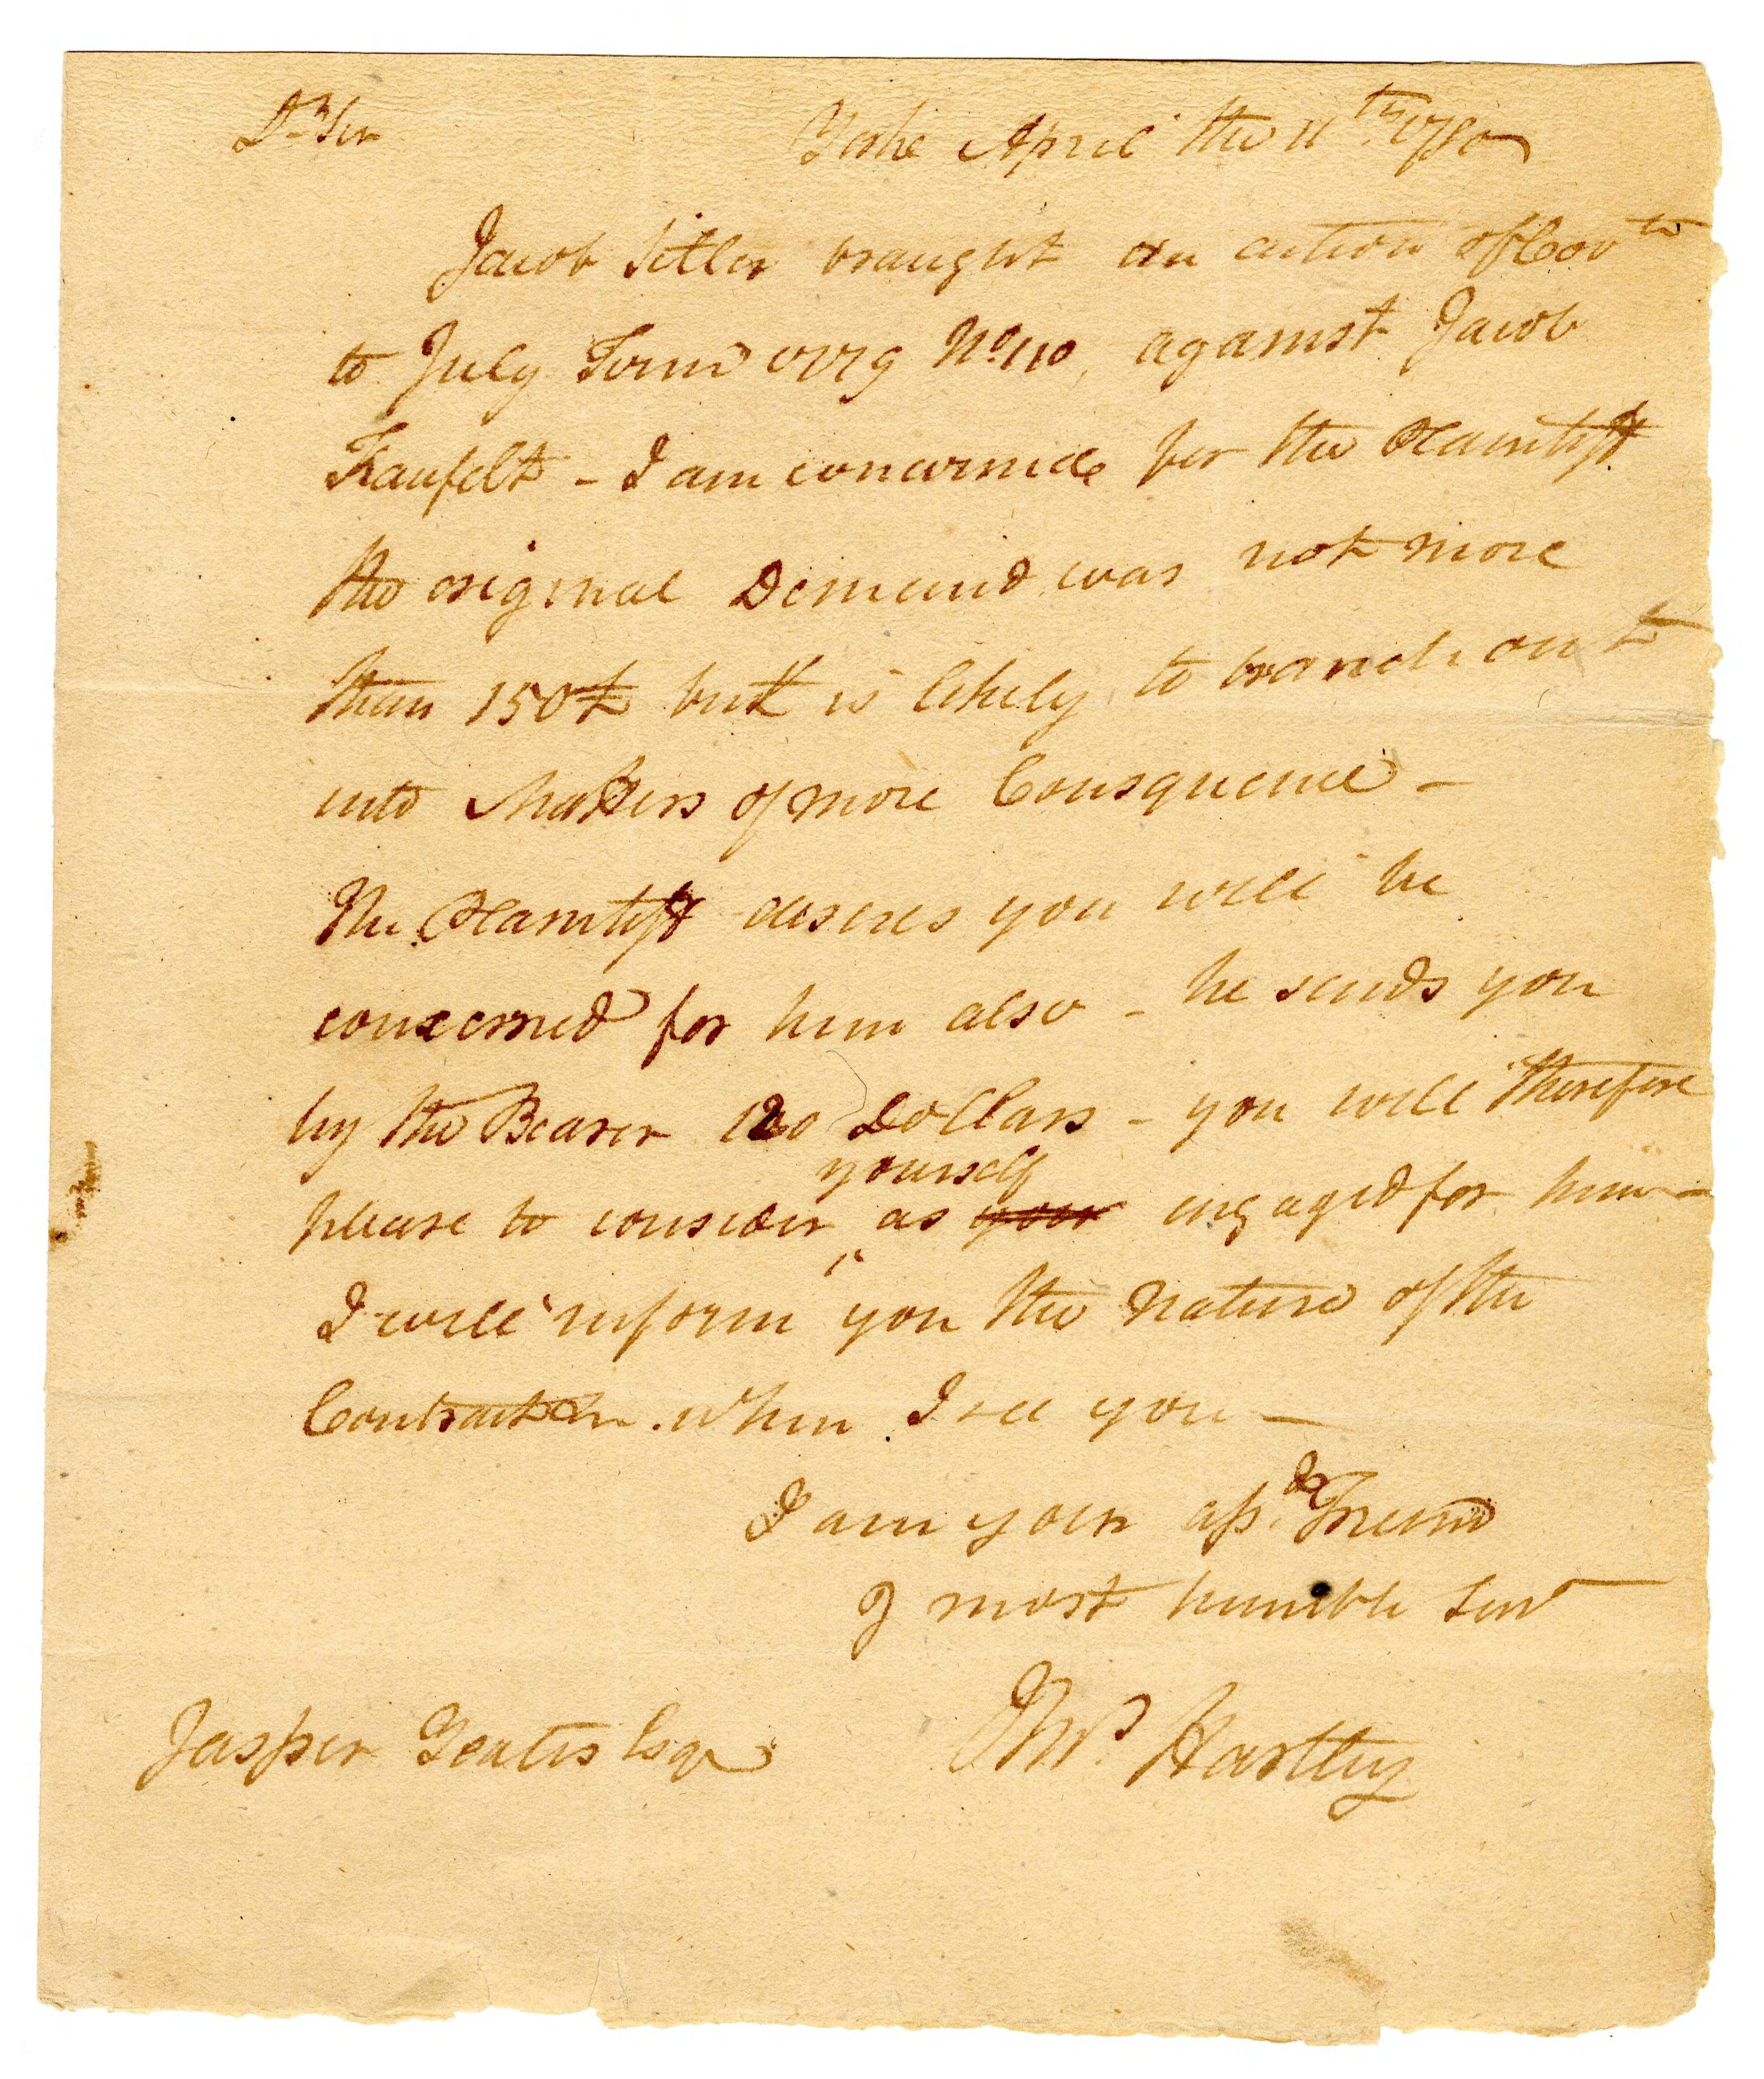Yorke April the 11^th. 1780
D^r Sir
Jacob Setler brought an action of Cov^t
to July Turm 1779 N^o. 110 against Jacob
Kaufelt. I am concerned for the Ocamtest
to original Demand was not more
then 150£ but is likely to branch out
into Shapers of more Consquence
The Calamity desires you will be
concerned for him also. he sends you
by the Bearer 120 Dollars. you will therefore
yourself
plase to consider ^ as your ingaged for him
I will inform you the Nature of the
Contracts when I see you
I am your as^d Friend
& most humble Serv^t
Tho. Hartley
Jasper Yeates Esq^r